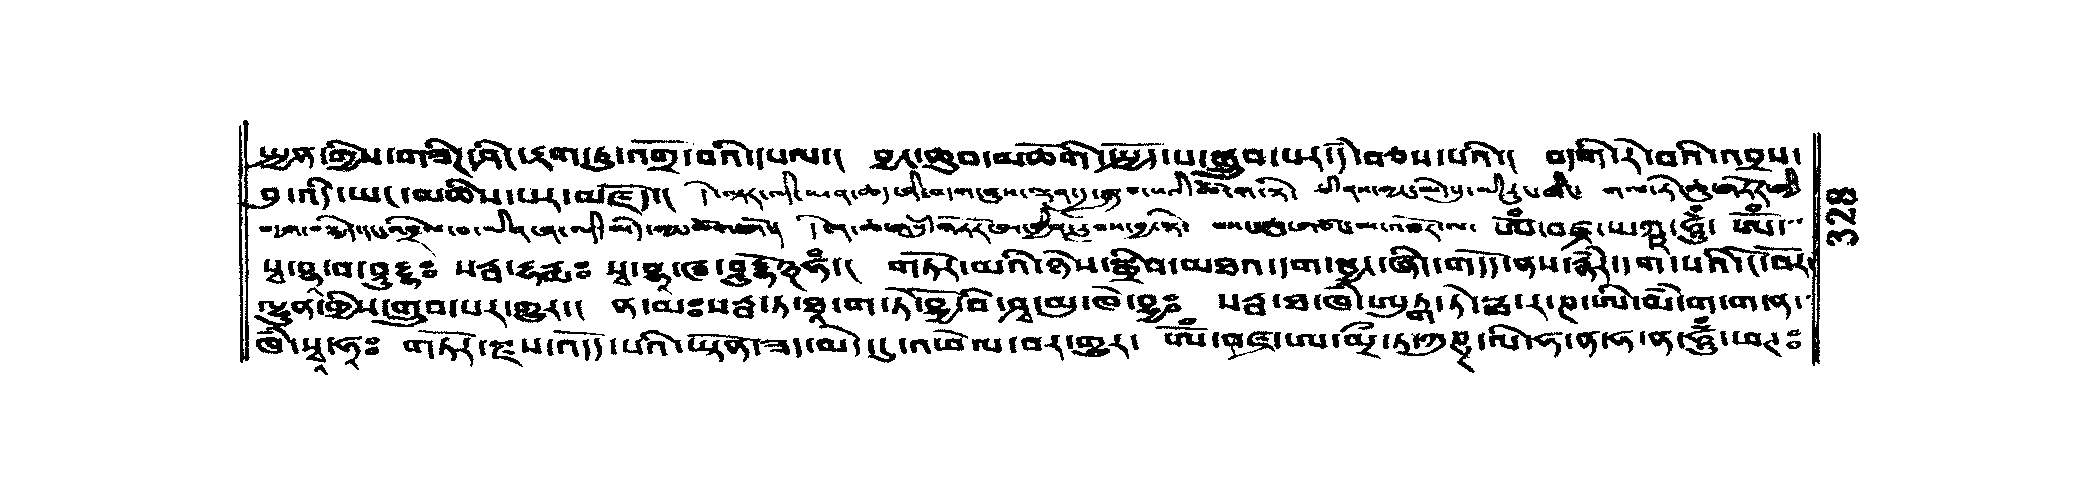སྤྱན་གྱིས་གཟིགས་ཤིང་རྟག་ཏུ་འགྲོ་བའི་དཔལ། །བྱང་ཆུབ་མཆོག་གི་སྤྱོད་པ་སྒྲུབ་པར་དམ་བཅས་པའི། །བདག་གི་རེ་བའི་འབྲས་
བུ་འདི་ཡང་མཆིས་པར་མཛོད། དེ་ལྟར་འདི་ཡན་ཆད་ནི་བདག་ནུས་ལྡན་དུ་སྒྲུབ་པའི་ཆོ་ག་སྟེ། ཅི་ནས་ཀྱང་མེད་དུ་མི་རུང་ཞིང། གལ་ཏེ་ཆུ་གཏོར་གྱི་
བདག་བསྐྱེད་དང་འབྲེལ་བ་ཡིན་ན་འདི་མེད་ཀྱང་ཆོག་གོ དེ་ན་ཆ་གསུམ་གཏོར་མ་བྱིན་རླབས་བྱ་སྟེ། བསང་ཆུ་གཙང་མ་འཐོར་ལ། ཨོཾ་བཛྲ་སཀྵ་ཧཱུྃ། ཨོཾ་
སྦ་བྷ་བ་ཤཱུདྷཿ སརྦ་དྷརྨཿ སྭ་བྷཱ་ཝ་ཤཱུདྷོ྅་ཧཾ། གཏོར་མའི་ཉེས་སྒྲིབ་མཐའ་དག་སྦྱངས་ཞིང་གདོད་ནས་རྣམ་པར་དག་པའི་ངོ་བོར་
ལྷུན་གྱིས་གྲུབ་པར་གྱུར།ན་མཿསརྦ་ཏ་ཐཱ་ག་ཏེ་བྷྱོ་བི་ཤྭ་མུ་ཁེ་བྷྱཿ སརྦ་ཐ་ཁཾ་ཨུཏྒ་རེ་སྥ་ར་ཎ་ཨི་མཾ་ག་ག་ན་
ཁཾ་སྭཱ་ཧཱུཿ གཏོར་རྫས་འདོད་པའི་ཡོན་ཏན་ཟད་མེད་དུ་འཕེལ་བར་གྱུར། ཨོཾ་བཛྲ་ཨ་མྲྀ་ཏ་ཀུཎྡྲ་ལི་ཧ་ན་ཧ་ན་ཧཱུྃ་ཕཊཿ